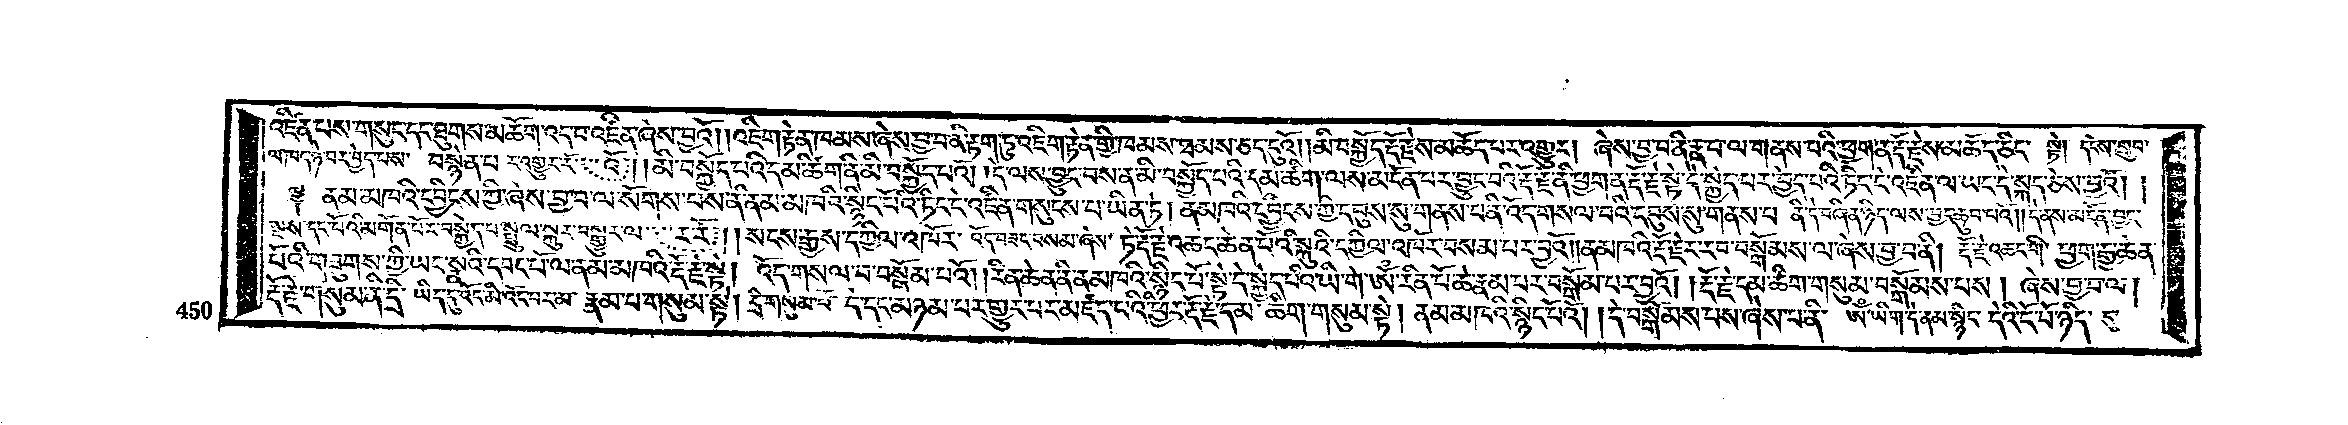འཛིན་པས་གསུང་དང་ཐུགས་མཆོག་འདེ་བ་འཛིན་ཞེས་བྱའོ། །འཇིག་རྟེན་ཁམས་ཞེས་བྱ་བ་ནི་རྟག་ཏུ་འཇིག་རྟེན་གྱི་ཁམས་ཐམས་ཅད་དུའོ། །མི་བསྐྱོད་རྡོ་རྗེས་མཆོད་པར་འགྱུར། ཞེས་བྱ་བ་ནི་རྣ་བ་ལ་གནས་པའི་ཕྱག་ན་རྡོ་རྗེས་མཆོད་ཅིང་སྟེ། དངོས་གྲུབ་
ལ་ཁད་ཉེ་བར་བྱེད་པས་བསྙེན་པར་འགྱུར་རོའོ། །མི་བསྐྱེད་པའི་དམ་ཚིག་ནི་མི་བསྐྱོད་པའོ། །དེ་ལས་བྱུང་བས་ན་མི་བསྐྱོད་པའི་དམ་ཚིག་ལས་མངོན་པར་བྱུང་བའི་རྡོ་རྗེ་ནི་ཕྱག་ན་རྡོ་རྗེ་སྟེ་དེ་སྐྱེད་པར་བྱེད་པའི་ཏིང་ངེ་འཛིན་ལ་ཡང་དེ་སྐད་ཅེས་བྱའོ། །
༈ ནམ་མཁའི་དབྱེངས་ཀྱི་ཞེས་བྱ་བ་ལ་སོགས་པས་ནི་ནམ་མཁའི་སྙིང་པོའི་ཏིང་ངེ་འཛིན་གསུངས་པ་ཡིན་ཏེ། ནམ་མཁའི་དབྱིངས་ཀྱི་དབུས་སུ་གནས་པ་ནི་འོད་གསལ་བའི་དབུས་སུ་གནས་པ་ནི་དེ་བཞིན་ཉིད་ལས་བྱང་ཆུབ་པའོ། །དེ་ནས་མངོན་བྱང་
ལྔས་དང་པོའི་མགོན་པོར་བསྐྱེད་པ་སྤྲུལ་སྐུར་བསྒྱུར་ལ་ར་རོ། །སངས་རྒྱས་དཀྱིལ་འཁོར་འོད་བཟང་བསམ་ཞེས་ཏེ་རྡོ་རྗེ་འཆང་ཆེན་པོའི་སྐུའི་དཀྱིལ་འཁོར་བསམ་པར་བྱའོ། །ནམ་མཁའི་རྡོ་རྗེར་རབ་བསྒོམས་ལ་ཞེས་བྱ་བ་ནི། རྡོ་རྗེ་འཆང་གི་ཕྱག་རྒྱ་ཆེན་
པོའི་གཟུགས་ཀྱི་ཡང་སྣའི་དབང་པོ་ལ་ནམ་མཁའི་རྡོ་རྗེ་སྟེ། འོད་གསལ་བ་བསྒོམ་པའོ། །རིན་ཆེན་ནི་ནམ་མཁའི་སྙིང་པོ་སྟེ་དེ་སྐྱེད་པའི་ཡི་གེ་ཨོཾ་རིན་པོ་ཆེ་རྣམ་པར་བསྒོམ་པར་བྱའོ། །རྡོ་རྗེ་དམ་ཚིག་གསུམ་བསྒོམས་པས། ཞེས་བྱ་བ་ལ།
རྡོ་རྗེ་གསུམ་ནི་དྲི་ཡིད་དུ་འོང་མི་འོང་བར་མ་རྣམ་པ་གསུམ་སྟེ། དྲི་གསུམ་པོ་དེ་དང་མཉམ་པར་གྱུར་པར་མཛད་པའི་ཕྱིར་རྡོ་རྗེ་དམ་ཚིག་གསུམ་སྟེ། ནམ་མཁའི་སྙིང་པོའི། །དེ་བསྒོམས་པས་ཞེས་པ་ནི་ཨོཾ་ཡིག་དེ་ནམ་སྙིང་དེའི་ངོ་བོ་ཉིད་དུ་